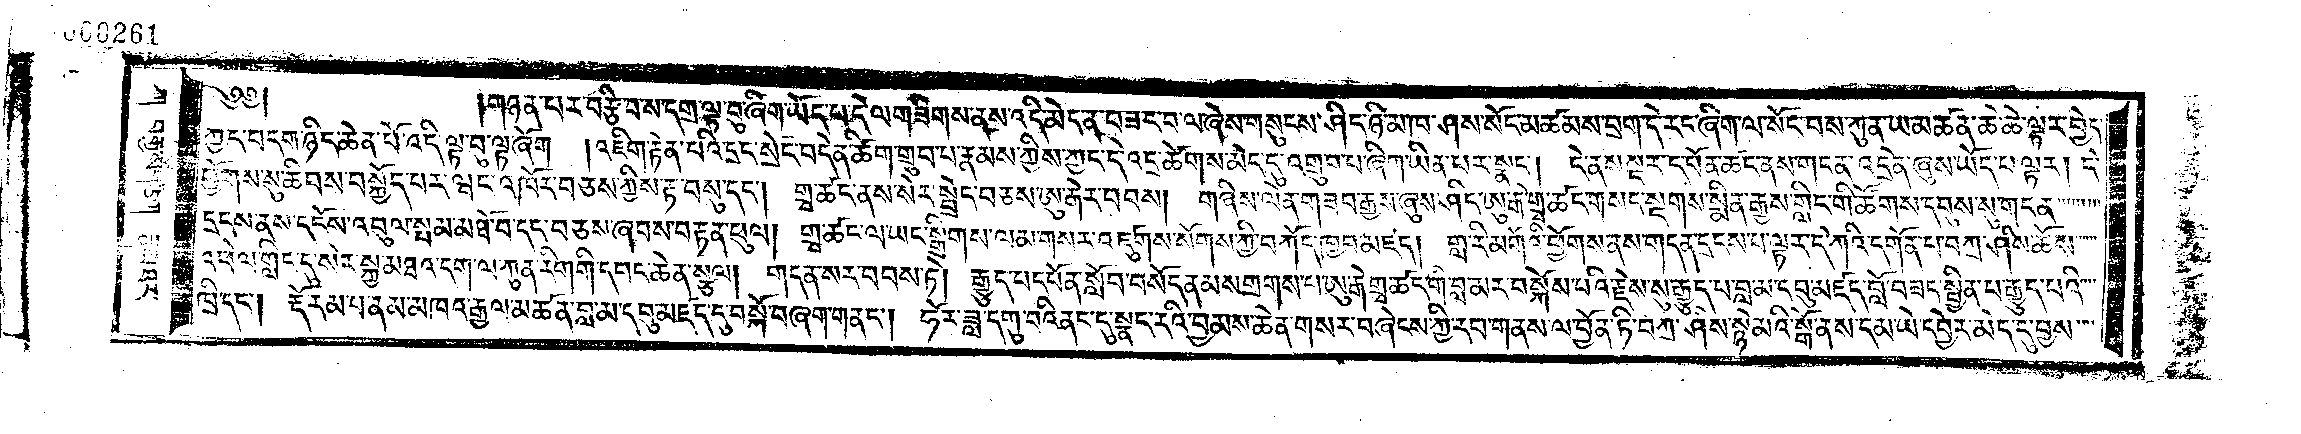༄༅། །གཉན་པར་བརྩི་བ་ས་དགྲ་ལྟ་བུ་ཞིག་ཡོད་པ་དེ་ལ་གཟིགས་ནས་འདི་མེད་ན་བཟང་བ་ལ་ཞེས་གསུངས་ཤིང་ཉི་མ་ཁ་ཤས་སོང་མཚམས་བྲག་དེ་རང་ཞིག་ལ་སོང་བས་ཀུན་ཡ་མཚན་ཆེ་ཆེ་ལྟར་བྱེད་
ཀྱང་བདག་ཉིད་ཆེན་པོ་འདི་ལྟ་བུ་ལྟ་ཞོག །འཇིག་རྟེན་པའི་དྲང་སྲོང་བདེན་ཚིག་གྲུབ་པ་རྣམས་ཀྱིས་ཀྱང་དེ་འདྲ་ཚེགས་མེད་དུ་འགྲུབ་པ་ཞིག་ཡིན་པར་སྣང་། དེ་ནས་སྔར་དཔོན་ཚང་ནས་གདན་འདྲེན་ཞུས་ཡོད་པ་ལྟར། དེ་
ཕྱོགས་སུ་ཆིབས་བསྐྱོད་པར་ཝང་འཁོར་བཅས་ཀྱིས་རྟ་བསུ་དང་། གྲྭ་ཚང་ནས་སེར་སྦྲེང་བཅས་ཨུརྒེར་བབས། གཞིས་ལན་གཟབ་རྒྱས་ཞུས་ཤིང་ཨུརྒེ་གྲྭ་ཚང་གསང་སྔགས་སྨིན་རྒྱས་གླིང་གི་ཚོགས་དབུས་སུ་གདན་
དྲངས་ནས་དངོས་འབུལ་སྤམ་མཐོ་བ་དང་བཅས་ཞབས་བརྟན་ཕུལ། གྲྭ་ཚང་ལ་ཡང་སྒྲིགས་ལམ་གསར་འཛུགས་སོགས་ཀྱི་བཀོད་ཁྱབ་མཛད། གླ་རི་མགོའི་ཕྱོགས་ནས་གདན་དྲངས་པ་ལྟར་དེ་ཀའི་དགོན་པ་བཀྲ་ཤིས་ཆོས་
འཕེལ་གླིང་དུ་སེར་སྐྱ་མཐའ་དག་ལ་ཀུན་རིག་གི་དབང་ཆེན་སྩལ། གདན་སར་བབས་ཏེ། རྒྱུད་པ་དཔོན་སློབ་བསོད་ནམས་གྲགས་པ་ཨུརྒེ་གྲྭ་ཚང་གི་བླ་མར་བསྐོས་པའི་རྗེས་སུ་རྒྱུད་པ་བླ་མ་དབུ་མཛད་བློ་བཟང་སྦྱིན་པ་རྒྱུད་པའི་
ཁྲི་དང་། རྡོ་རམ་པ་ནམ་མཁའ་རྒྱལ་མཚན་བླ་མ་དབུ་མཛད་དུ་བསྐོ་བཞག་གནང་། ཧོར་ཟླ་དགུ་པའི་ནང་དུ་སྣང་རའི་བྱམས་ཆེན་གསར་བཞེངས་ཀྱི་རབ་གནས་ལ་བྱོན་ཏེ་བཀྲ་ཤིས་སྟེ་མའི་སྒོ་ནས་དམ་ཡེ་དབྱེར་མེད་དུ་བྱས་